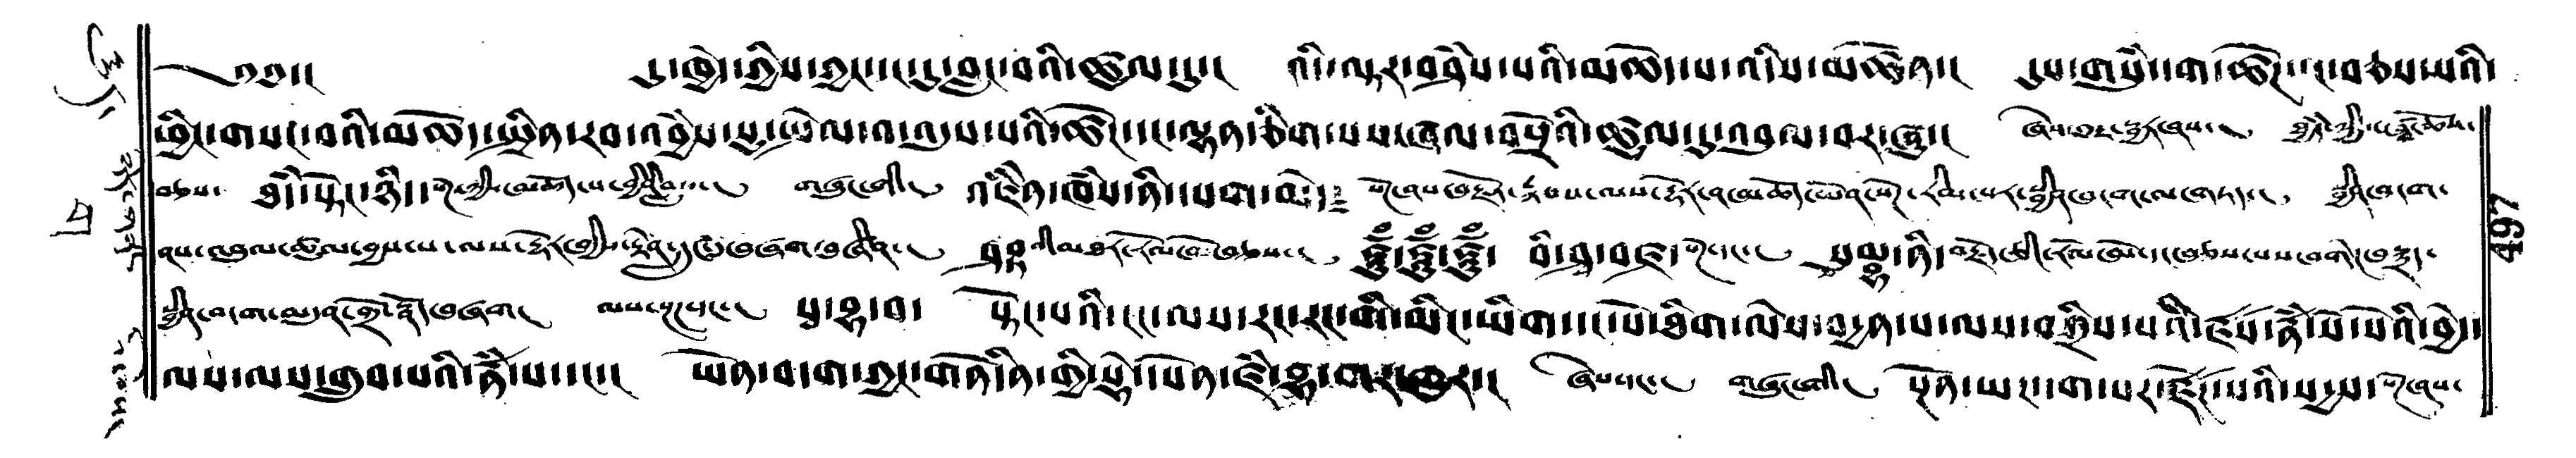དུ་ཁྱེད་ཀྱིས་ཀྱང་དང་དུ་བླང་བའི་ཚུལ་དུ། འདི་ལྟར་བཤམས་པའི་མཆོད་པ་འདིས་མཚོན། དུས་གསུམ་དགེ་ཚོགས་དང་བཅས་པའི་
ཕྱི་ནང་གསང་བའི་མཆོད་སྤྲིན་རབ་འབྱམས་སུ་སྤེལ་བ་འདུས་པའི་ཚོགས་དང་ལྷན་ཅིག་པས་ཞལ་བསྲོའི་ཚུལ་དུ་འབུལ་བར་ཞུ། ཞེས་བརྡ་སྦྱར་ནས། ཐམས་ཅད་ཀྱིས་ཞྭ་ཆོས་
བཅས། ཐམས་ཅད་སྟོང་ཉིད་༴ སོགས་ཀྱིས་མཆོད་པ་བྱིན་རླབས། གཞུང་གི འཇིག་རྟེན་ཁམས་ནི་དཔག་མེད༴ སོགས་ནས་བརྗོད་སྐབས་ལས་རྡོར་ནས་མཆོད་ཡོན་སོགས་རིམ་པར་སྦྱིན་བདག་ལ་གཏད། སྦྱིན་བདག་
ནས་འབུལ་ཚུལ་བྱས་པ་ལས་རྡོར་གྱིས་རྟེན་དྲུང་དུ་བཞག་བཞིན། ཤབྟ འི་མཐར་རོལ་མོ་བཅས། ཧཱུྃ་ཧཱུྃ་ཧཱུྃ། བི་ཤྭ་བཛྲ་སོགས་དང་། སུམྦྷ་ནི་བ རྗོད་ཅིང་རོལ་མོ་དང་བཅས་པས་བགེགས་བསྐྲད། 
སྦྱིན་བདག་མདུན་གྲོ་སྣོད་བཞག ལས་སྔགས་དང་། སྭ་བྷ་བ། སྟོང་པའི་ངང་ལས་རང་རང་གི་མིང་ཡིག་དང་པོ་ཐིག་ལེས་བརྒྱན་པ་ལས་བཀྲ་ཤིས་པའི་རྫས་རྣམས་སོ་སོའི་བྱེད་
ལས་ལས་གྲུབ་པའི་རྣམ་པ་དང་། ཡོན་བདག་ཀྱང་གནོད་སྦྱིན་གྱི་སྡེ་དཔོན་ཛཾ་བྷ་ལར་གྱུར། ཞེས་དང་། གཞུང་གི སྔོན་ཡང་དག་པར་རྫོགས་པའི་སངས་རྒྱས་སོགས་ནས་